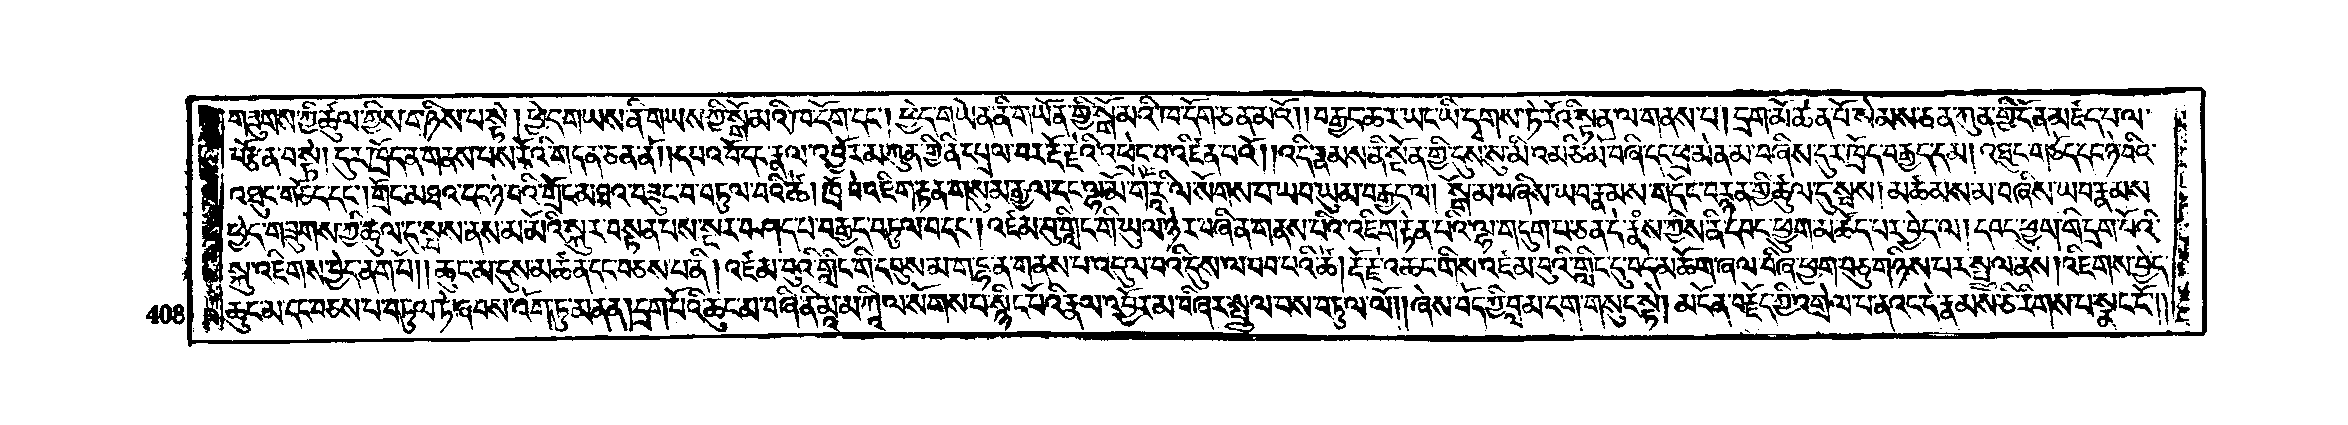གཟུགས་ཀྱི་ཚུལ་གྱིས་གཉིས་པ་སྟེ། ཕྱེད་གཡས་ནི་གཡས་ཀྱི་སྒོ་མའི་ཁ་དོག་དང་། ཕྱེད་གཡེན་ནི་གཡོན་གྱི་སྒོ་མའི་ཁ་དོག་ཅན་མའོ། །བརྒྱད་ཆར་ཡང་ཡི་དྭགས་ཏེ་རོའི་སྟན་ལ་གནས་པ། དྲག་མོ་ཆེན་པོ་སེམས་ཅན་ཀུན་གྱི་དོན་མཛད་པ་ལ་
བརྩོན་པ་སྟེ། དུར་ཁྲོད་ན་གནས་པས་རོའི་གདན་ཅན་ནོ། །དཔའ་བོ་དང་རྣལ་འབྱོར་མ་ཀུན་གྱི་ནི་དཔྲལ་བར་རྡོ་རྗེའི་འཕྲེང་བ་འཛིན་པའོ། །འདི་རྣམས་ནི་སྔོན་གྱི་དུས་སུ་མི་འམ་ཅི་མོ་བཞི་དང་ཕྲ་མེན་མ་བཞིས་དུར་ཁྲོད་བརྒྱད་དམ། འཐུང་གཅོད་དང་ཉེ་བའི་
འཐུང་གཅོད་དང་། གྲོང་མཐའ་དང་ཉེ་བའི་གྲོང་མཐའ་བཟུང་བ་བཏུལ་བའི་ཚེ། ཁྲོ་བེ་འཇིག་རྟེན་གསུམ་རྒྱལ་དང་ལྷ་མོ་གཽ་རཱི་ལ་སོགས་པ་ཡབ་ཡུམ་བརྒྱད་ལ། སྒོ་མ་བཞིས་ཡབ་རྣམས་གདོང་བརྙན་གྱི་ཚུལ་དུ་སྦས། མཚམས་མ་བཞིས་ཡབ་རྣམས་
ཕྱེད་གཟུགས་ཀྱི་ཚུལ་དུ་སྦས་ནས་མ་མོའི་སྐུར་བསྟན་པས་སྔར་བཤད་པ་བརྒྱད་བཏུལ་བ་དང་། འཛམ་བུ་གླིང་གི་ཡུལ་ཉེར་བཞི་ན་གནས་པའི་འཇིག་རྟེན་པའི་ལྷ་གདུག་པ་ཅན་དེ་རྣམས་ཀྱིས་ནི་དབང་ཕྱུག་མཆོད་པར་བྱེད་ལ། དབང་ཕྱུག་གི་དྲག་པོའི་
སྐུ་འཇིགས་བྱེད་ནག་པོ། །ཆུང་མ་དུས་མཚན་དང་བཅས་པ་ནི། འཛམ་བུའི་གླིང་གི་དབུས་མ་ག་དྷ་ན་གནས་པ་འདུལ་བའི་དུས་ལ་བབ་པའི་ཚེ། རྡོ་རྗེ་འཆང་གིས་འཛམ་བུའི་གླིང་དུ་བདེ་མཆོག་ཞལ་བཞི་ཕྱག་བཅུ་གཉིས་པར་སྤྲུལ་ནས། འཇིགས་བྱེད་
ཆུང་མ་དང་བཅས་པ་བཏུལ་ཏེ་ཞབས་འོག་ཏུ་མནན། དྲག་པོའི་ཆུང་མ་བཞི་ནི་མཱ་མ་ཀཱི་ལ་སོགས་པ་སྙིང་པོའི་རྣལ་འབྱོར་མ་བཞིར་སྤྲུལ་པས་བཏུལ་ལོ། །ཞེས་བོད་ཀྱི་བླ་མ་དག་གསུང་སྟེ། མངོན་བརྗོད་ཀྱི་འགྲེལ་པ་ནའང་དེ་རྣམས་ཅི་རིགས་པ་སྣང་ངོ། །